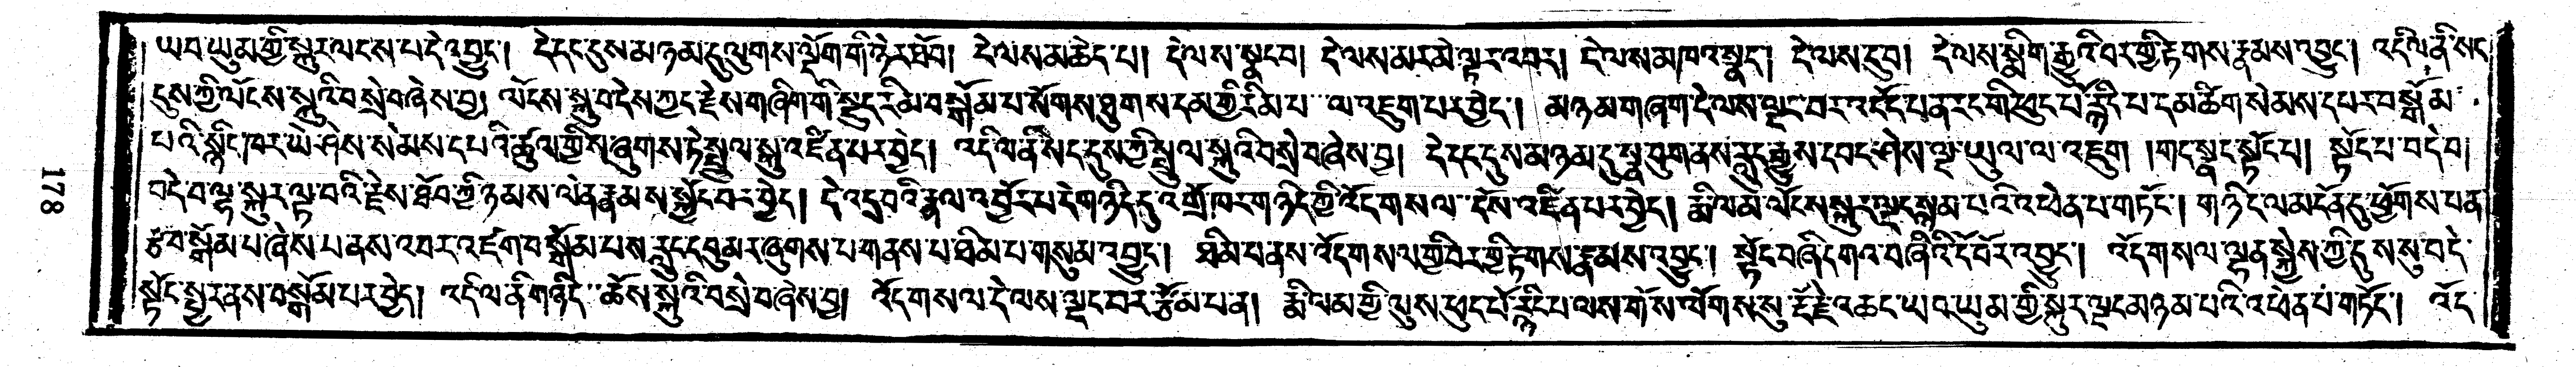ཡབ་ཡུམ་གྱི་སྐུར་ལངས་པ་དེ་འབྱུང་། དེ་དང་དུས་མཉམ་དུ་ལུགས་ལྡོག་གི་ཉེར་ཐོབ། དེ་ལས་མཆེད་པ། དེ་ལས་སྣང་བ། དེ་ལས་མར་མེ་ལྟར་འབར། དེ་ལས་མཁའ་སྣང་། དེ་ལས་དུ་བ། དེ་ལས་སྨིག་རྒྱུའི་བར་གྱི་རྟགས་རྣམས་འབྱུང་། འདི་ལ་ནི་སང་
དུས་ཀྱི་ལོངས་སྐུའི་བསྲེ་བཞེས་བྱ། ལོངས་སྐུ་བ་དེས་ཀྱང་རྗེས་གཞིག་གི་སྡུད་རིམ་བསྒོམ་པ་སོགས་ཐུགས་དམ་གྱི་རིམ་པ་ལ་འཇུག་པར་བྱེད། མཉམ་གཞག་དེ་ལས་ལྡང་བར་འདོད་པ་ན་རང་གི་ཕུང་པོ་རྙིང་པ་དམ་ཚིག་སེམས་དཔར་བསྒོམ་
པའི་སྙིང་ཁར་ཡེ་ཤེས་སེམས་དཔའི་ཚུལ་གྱིས་ཞུགས་ཏེ་སྤྲུལ་སྐུ་འཛིན་པར་བྱེད། འདི་ལ་ནི་སང་དུས་ཀྱི་སྤྲུལ་སྐུའི་བསྲེ་བ་ཞེས་བྱ། དེ་དང་དུས་མཉམ་དུ་སྣ་བུག་ནས་རླུང་རྒྱུས་དབང་ཤེས་ལྔ་ཡུལ་ལ་འཇུག །གང་སྣང་སྟོང་པ། སྟོང་པ་བདེ་བ།
བདེ་བ་ལྷ་སྐུར་ལྟ་བའི་རྗེས་ཐོབ་ཀྱི་ཉམས་ལེན་རྣམས་སྐྱོང་བར་བྱེད། དེ་འདྲ་བའི་རྣལ་འབྱོར་པ་དེ་གཉིད་དུ་འགྲོ་ཁར་གཉིད་ཀྱི་འོད་གསལ་ངོས་འཛིན་པར་བྱེད། རྨི་ལམ་ལོངས་སྐུར་ལྡང་སྙམ་པའི་འཕེན་པ་གཏོང་། གཉིད་ལ་མངོན་དུ་ཕྱོགས་པན་
རྩ་བསྒོམ་པ་ཞེས་པ་ནས་འབར་འཛག་བསྒོམ་པས་རླུང་དབུ་མར་ཞུགས་པ་གནས་པ་ཐིམ་པ་གསུམ་འབྱུང་། ཐིམ་པ་ནས་འོད་གསལ་གྱི་བར་གྱི་རྟགས་རྣམས་འབྱུང་། སྟོང་བཞི་དགའ་བཞིའི་ངོ་བོར་འབྱུང་། འོད་གསལ་ལྷན་སྐྱེས་ཀྱི་དུས་སུ་བདེ་
སྟོང་སྦྱར་ནས་བསྒོམ་པར་བྱེད། འདི་ལ་ནི་གཉིད་ཆོས་སྐུའི་བསྲེ་བ་ཞེས་བྱ། འོད་གསལ་དེ་ལས་ལྡང་བར་རྩོམ་པ་ན། རྨི་ལམ་གྱི་ལུས་ཕུང་པོ་རྙིང་པ་ལས་གོ་ས་ལོགས་སུ་རྡོ་རྗེ་འཆང་ཡབ་ཡུམ་གྱི་སྐུར་ལྡང་མཉམ་པའི་འཕེན་པ་གཏོང་། འོད་